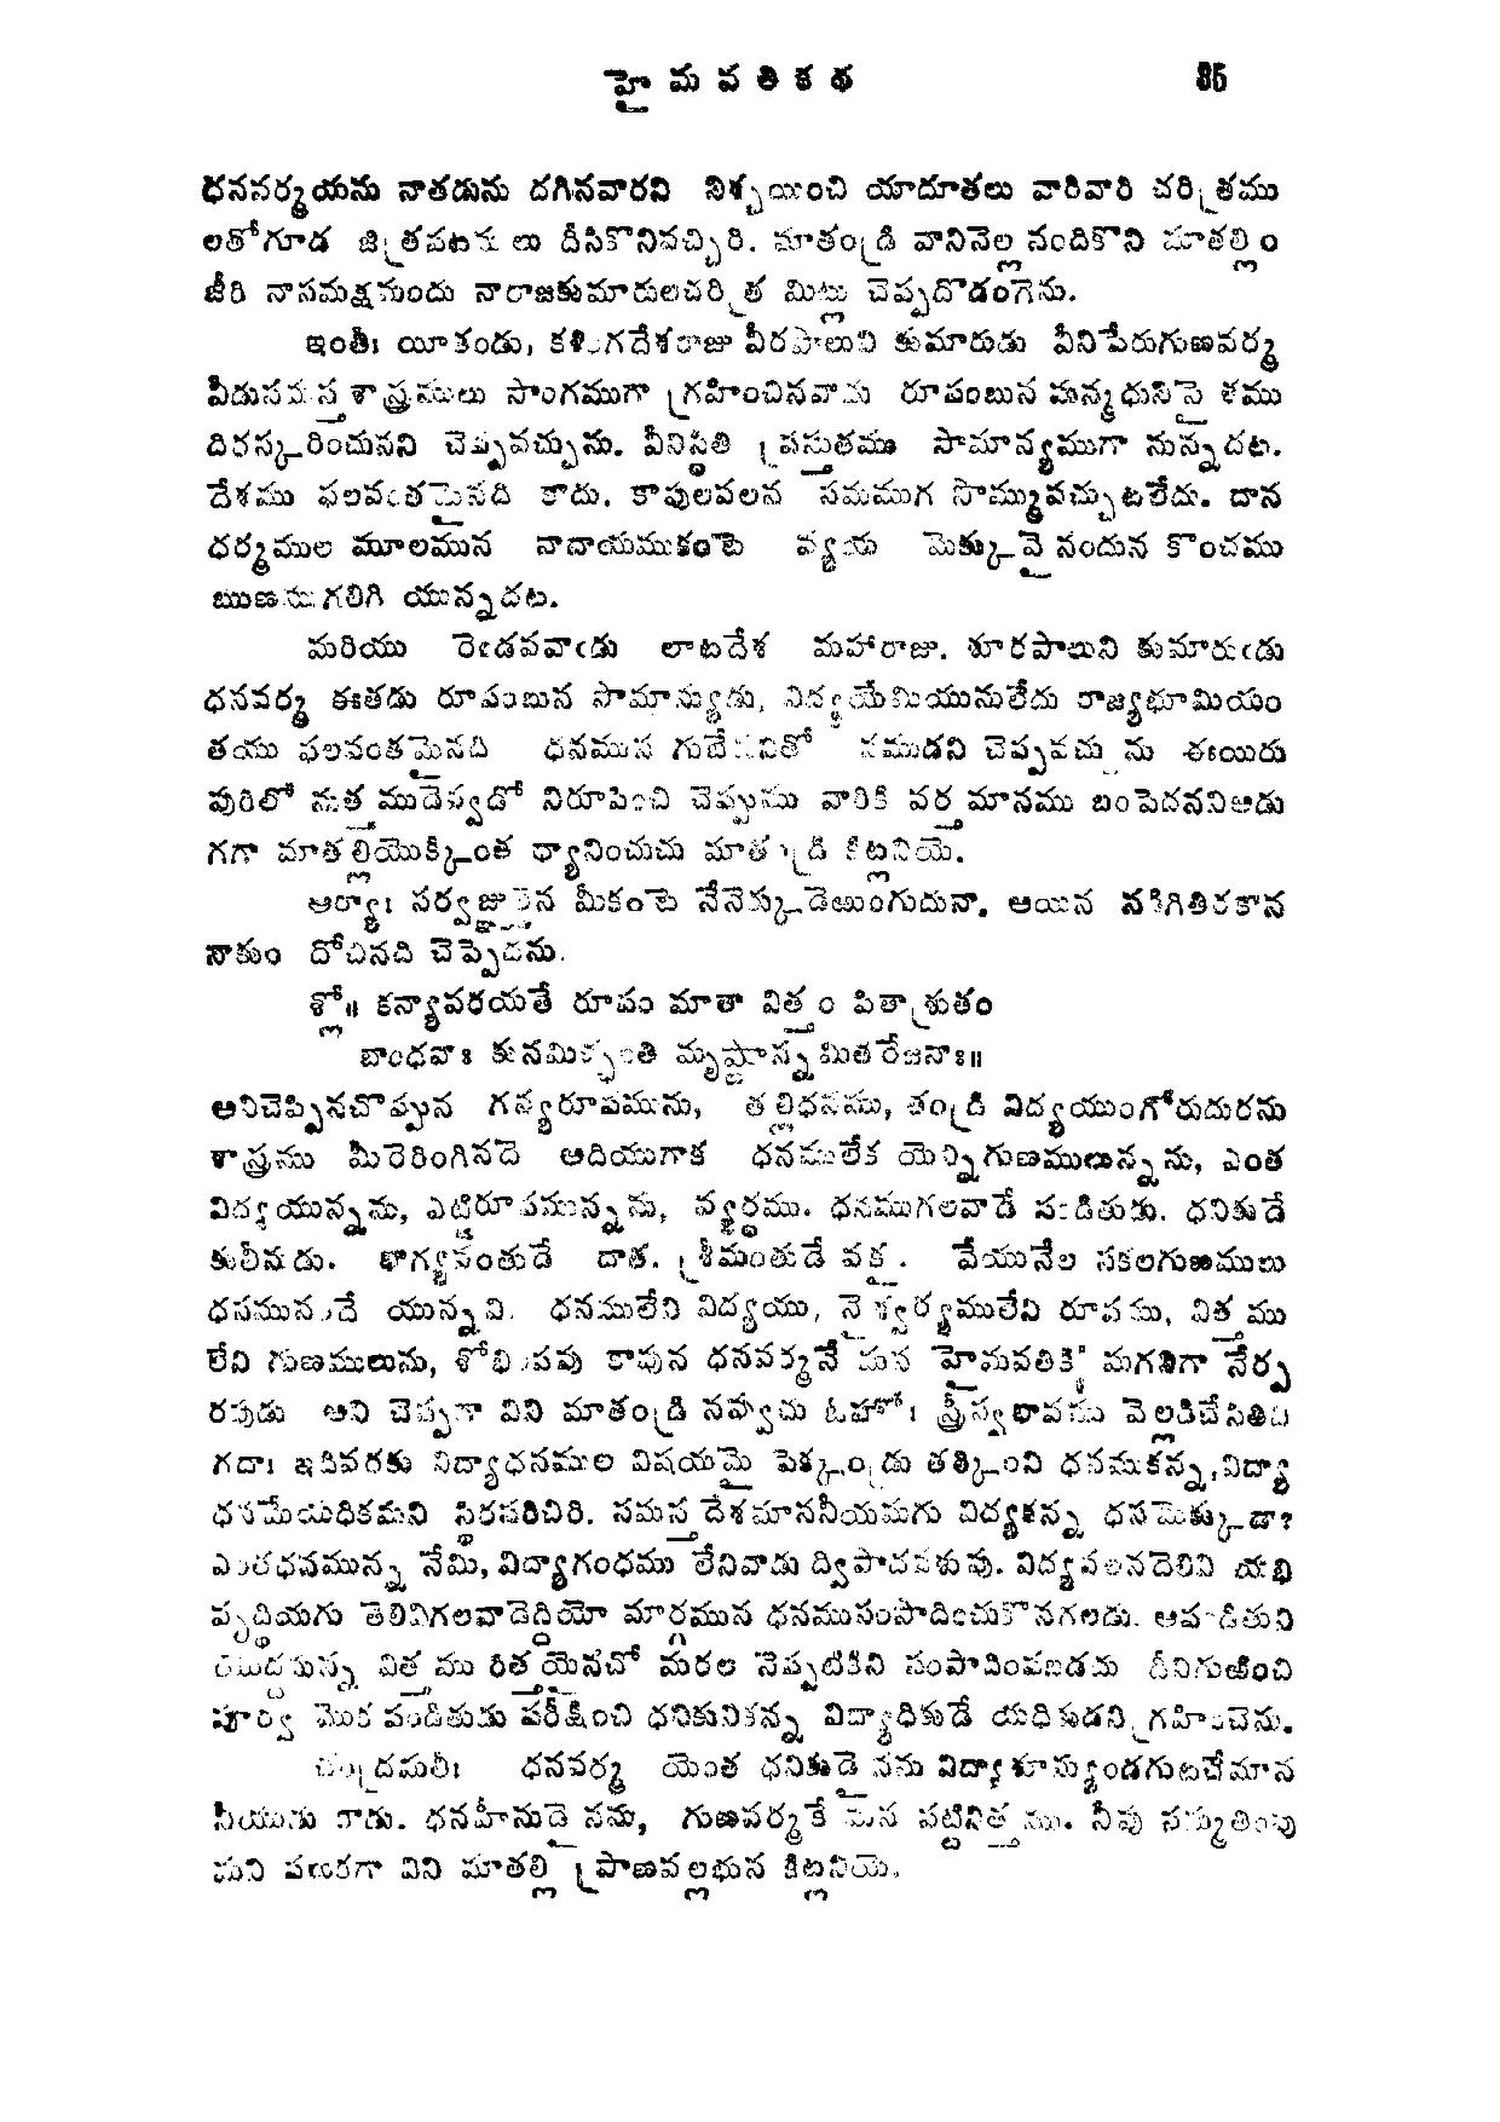ధనవర్మయను నాతడును దగినవారని నిశ్చయించి యాదూతలు వారివారి చరిత్రములతోగూడ జిత్రపటములు దీసికొనివచ్చిరి. మాతండ్రి వానినెల్ల నందికొని మాతల్లిం జీరి నాసమక్షమందు నారాజకుమారులచరిత్ర మిట్లు చెప్పదొడంగెను.

ఇంతీ! యీతండు కళింగదేశరాజు వీరపాలుని కుమారుడు వీనిపేరు గుణవర్మ వీడు సమస్తశాస్త్రములు సాంగముగా గ్రహించినవాడు రూపంబున మన్మథునిసై తము దిరస్కరించునని చెప్పవచ్చును. వీనిస్థితి ప్రస్తుతము సామాన్యముగా నున్నదట. దేశము ఫలవంతమైనది కాదు. కాపులవలన సమముగ సొమ్మువచ్చుటలేదు. దానధర్మముల మూలమున నాదాయముకంటె వ్యయ మెక్కువైనందున కొంచము ఋణము గలిగియున్నదట.

మరియు రెండవవాఁడు లాటదేశమహారాజు శూరపాలుని కుమారుఁడు ధనవర్మ. ఈతడు రూపంబున సామాన్యుడు. విద్య యేమియును లేదు. రాజ్యభూమియంతయు ఫలవంతమైనది ధనమున గుబేరునితో
సముడని చెప్పవచ్చును. ఈయిరువురిలో నుత్తముడెవ్వడో నిరూపించి చెప్పుము వారికి వర్తమానము బంపెదనని అడుగగా మాతల్లి యొక్కింత ధ్యానించుచు మాతండ్రి కిట్లనియె.

ఆర్యా! సర్వజ్ఞులైన మీకంటె నేనెక్కుడెఱుంగుదునా. అయిన నడిగితిరకాన నాకుం దోచినది చెప్పెదను.

శ్లో॥ కన్యావరయతే రూపం మాతా విత్తం పితాశ్రుతం
 బాంధవాః కునమిచ్ఛంతి మృష్టాన్న మితరేజనాః ॥
అని చెప్పినచొప్పున గన్యరూపమును, తల్లి ధనము, తండ్రి విద్యయుం గోరుదురను శాస్త్రము మీరెరింగినదె అదియుగాక ధనములేక యెన్నిగుణములున్నను, ఎంత విద్య యున్నను, ఎట్టిరూపమున్నను, వ్యర్ధము. ధనముగలవాడే పండితుడు. ధనికుడే కులీనుడు. భాగ్యవంతుడే దాత. శ్రీమంతుడే వక్త. వేయునేల సకలగుణములు ధనమునందే యున్నవి. ధనములేని విద్యయు, నైశ్వర్యములేని రూపము, విత్తము
లేని గుణములును, శోభింపవు కావున ధనవర్మనే మన హైమవతికి మగనిగా నేర్పరపుడు అని చెప్పగా విని మాతండ్రి నవ్వుచు ఓహో! స్త్రీస్వభావము వెల్లడిచేసితివి గదా! ఇదివరకు విద్యాధనముల విషయమై పెక్కండ్రు తర్కించి ధనముకన్న, విద్యాధనమేయధికమని స్థిరపరిచిరి. సమస్తదేశమాననీయ మగు విద్యకన్న ధనమెక్కుడా? ఎంతధనమున్న నేమి, విద్యాగంధము లేనివాడు ద్విపాదపశువు. విద్యవలన దెలివి యభివృద్ధియగు తెలివిగలవా డెద్దియోమార్గమున ధనము సంపాదించుకొనగలడు. అపండితునియొద్ద నున్నవిత్తము రిత్త యైనచో మరల నెప్పటికిని సంపాదింపబడదు దీనిగుఱించి పూర్వ మొకపండితుడు పరీక్షించి ధనికునికన్న విద్యాధికుడే యధికుడని గ్రహించెను.

చంద్రమతీ! ధనవర్మ యెంత ధనికుడై నను విద్యాశూన్యుండగుటచే మాననీయుడు కాడు.
ధనహీనుడై నను, గుణవర్మకే మనపట్టి నిత్తము. నీవు సమ్మతింపుమని పలుకగా విని మాతల్లి ప్రాణవల్లభున కిట్లనియె.